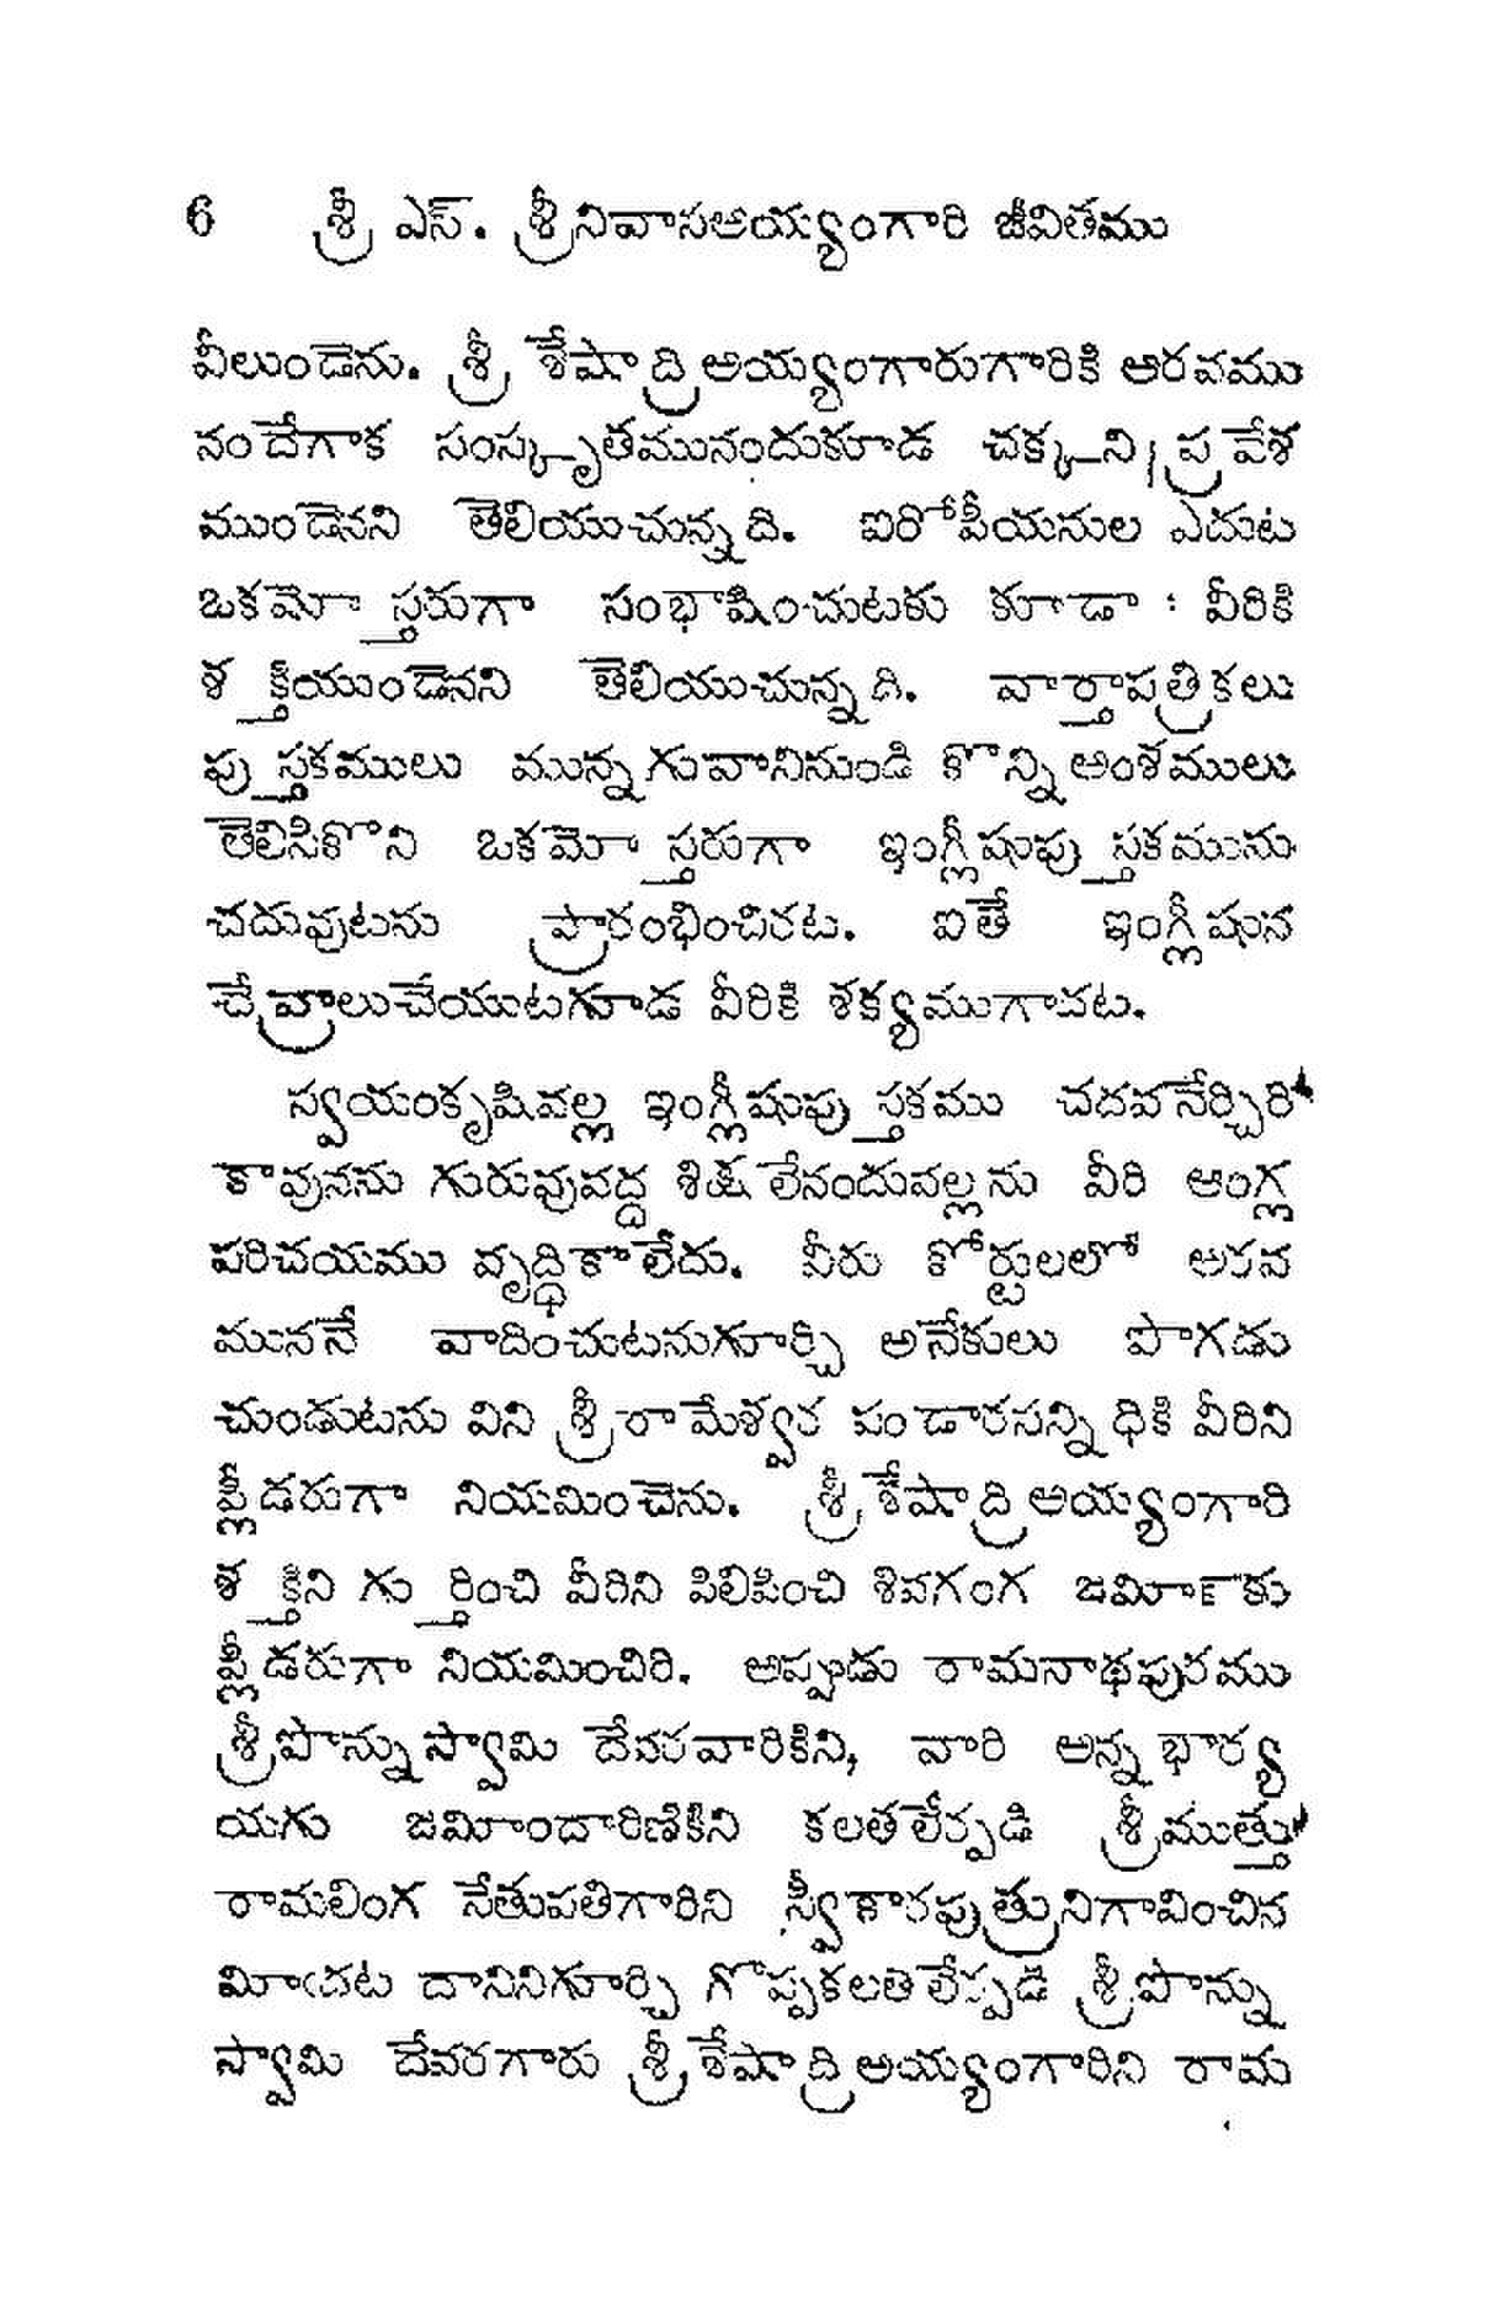వీలుండెను. శ్రీ శేషాద్రిఅయ్యంగారుగారికి ఆరవము నందేగాక సంస్కృతమునందుకూడ చక్కని ప్రవేశముండెనని తెలియుచున్నది. ఐరోపీయనుల ఎదుట ఒకమోస్తరుగా సంభాషించుటకు కూడా : వీరికి శక్తియుండెనని తెలియుచున్నది. వార్తాపత్రికలు పుస్తకములు మున్నగువాని నుండి కొన్ని అంశములు తెలిసికొని ఒక మోస్తరుగా ఇంగ్లీషుపుస్తకమును చదువుటను ప్రారంభించిరట. ఐతే ఇంగ్లీషున చేవ్రాలుచేయుటగూడ వీరికి శక్యముగాదట.

స్వయంకృషివల్ల ఇంగ్లీషుపుస్తకము చదవనేర్చిరో కావునను గురువువద్ద శిక్ష లేనందువల్లను వీరి ఆంగ్ల పరిచయము వృద్ధికాలేదు. వీరు కోర్టులలో అరవముననే వాదించుటనుగూర్చి అనేకులు పొగడు చుండుటను విని శ్రీరామేశ్వర పండారసన్నిధికి వీరిని ప్లీడరుగా నియమించెను. శ్రీశేషాద్రిఅయ్యంగారి శక్తిని గుర్తించి వీరిని పిలిపించి శివగంగ జమీ౯కు ప్లీడరుగా నియమించిరి. అప్పుడు రామనాథపురము శ్రీపొన్నుస్వామి దేవరవారికిని, వారి అన్నభార్య యగు జమీందారిణికిని కలతలేర్పడి శ్రీముత్తురామలింగ సేతుపతిగారిని స్వీకారపుత్రునిగావించిన మీఁదట దానినిగూర్చి గొప్పకలతలేర్పడ శ్రీపొన్నుస్వామి దేవరగారు శ్రీశేషాద్రిఅయ్యంగారిని రామ